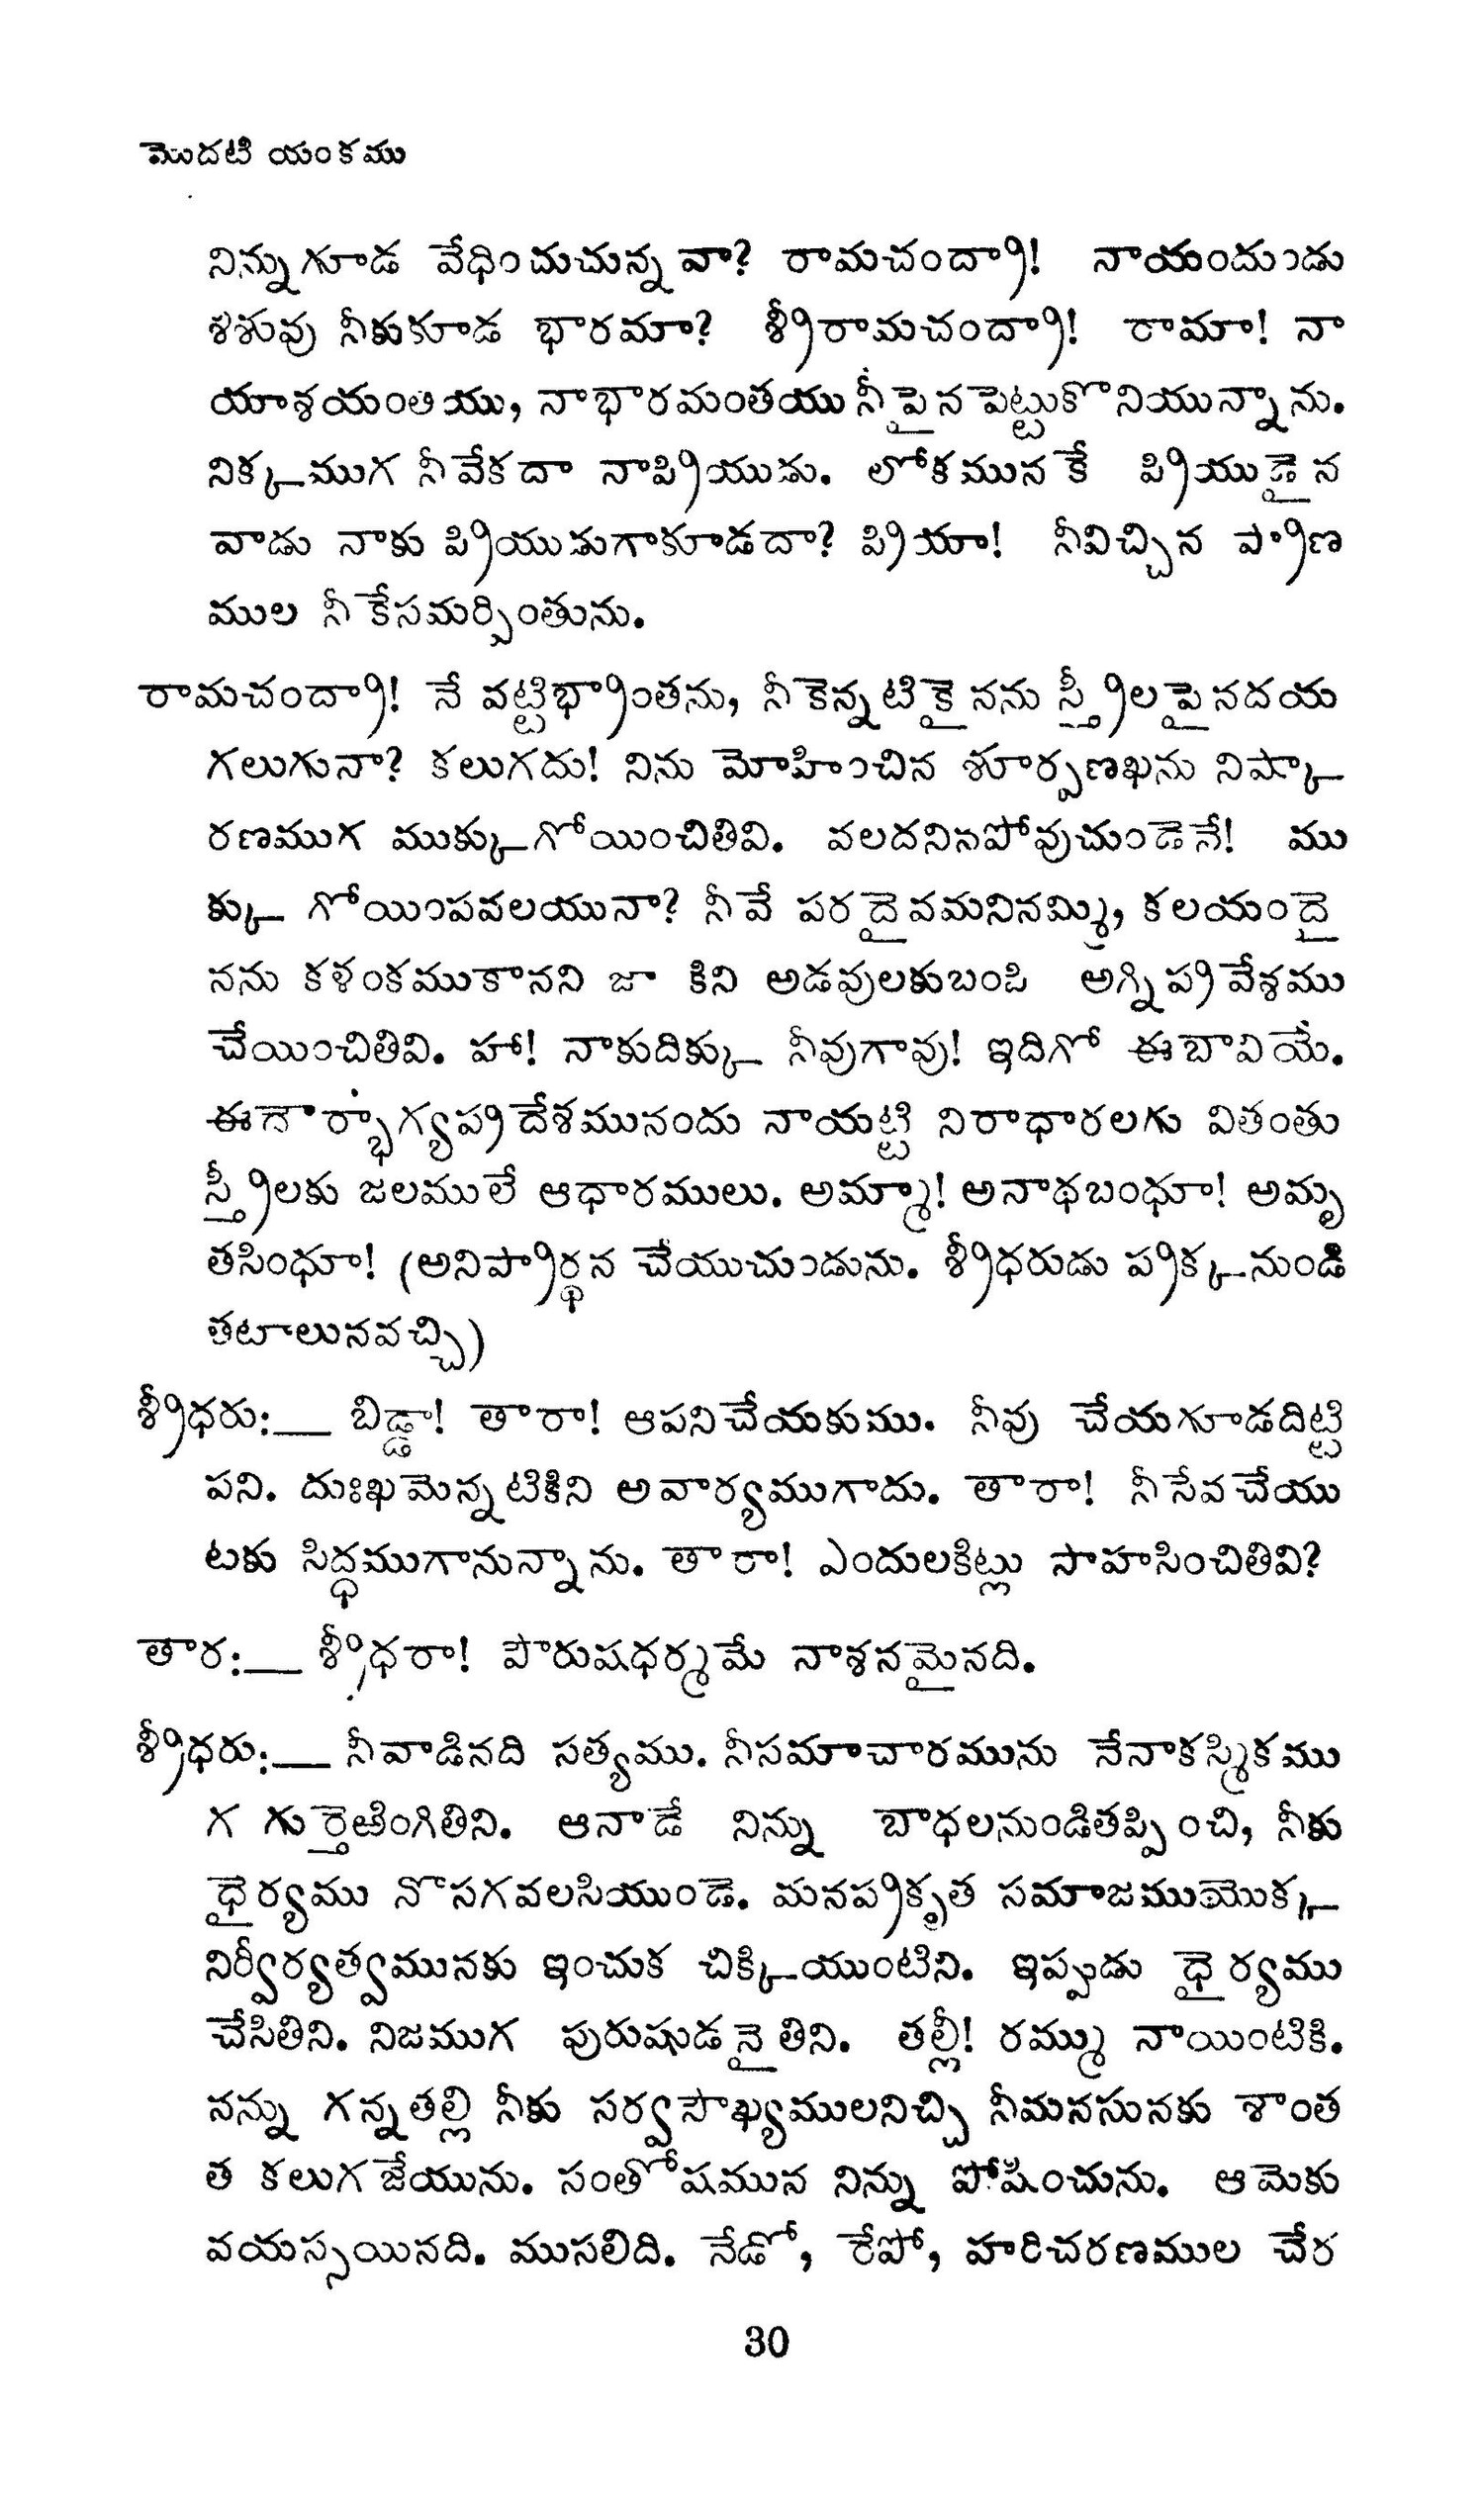నిన్ను గూడ వేధించుచున్నవా? రామచంద్రా! నాయందుండు
శిశువు నీకుకూడ భారమా? శ్రీరామచంద్ర! రామా! నా
యాశయంతయు, నాభారమంతయు నీ పైన పెట్టుకొని యున్నాను.
నిక్కముగ నీవేకదా నాప్రియుడు. లోకమున కే ప్రియుడైన
వాడు నాకు ప్రియుడు గాకూడదా? ప్రియా! నీవిచ్చిన పాణ
ముల నీకే సమర్పింతును.
రామచంద్రా! నే వట్టి భ్రాంతను, నీ కెన్నటి కైనను స్త్రీలపైన దయ
గలుగునా? కలుగదు! నిను మోహించిన శూర్పణఖను నిష్కా
రణముగ ముక్కు గోయించితివి. వలదనిన పోవుచుండెనే! ము
క్కు గోయింప వలయునా? నీవే పర దైవమని నమ్మి, కలయం దై
నను కళంకముకానని జానకిని అడవులకు బంపి అగ్ని ప్రవేశము
చేయించితివి. హా! నాకుదిక్కు నీవుగావు! ఇదిగో ఈ బావియే.
ఈ దౌర్భాగ్యపు దేశమునందు నాయట్టి నిరాధారలగు వితంతు
స్త్రీలకు జలములే ఆధారములు. అమ్మా! అనాథ బంధూ ! అమృ
తసింధూ ! (అని ప్రార్థన చేయుచుండును. శ్రీధరుడు ప్రక్క నుండి
తటాలునవచ్చి)

శ్రీధరు. _ బిడ్డా! తారా! ఆపని చేయకుము. నీవు చేయగూడదిట్టి
పని. దుఃఖమెన్నటికిని అవార్యముగాదు. తారా! నీ సేవ చేయు
టకు సిద్ధముగా నున్నాను. తారా! ఎందులకిట్లు సాహసించితివి?

తార:- శ్రీధరా! పౌరుషధర్మమే నాశనమైనది.

శ్రీధరు:-నీ వాడినది సత్యము. నీ సమాచారమును నేనాక స్మికము
గ గుర్తెఱింగితిని. ఆనాడే నిన్ను బాధలనుండి తప్పించి, నీకు
ధైర్యము నొసగ వలసియుండె. మన కృత సమాజము యొక్క
నిర్వీర్యత్వమునకు ఇంచుక చిక్కియుంటిని. ఇప్పుడు ధైర్యము
చేసితిని. నిజముగ పురుషుడ నై తిని. తల్లీ! రమ్ము నాయింటికి.
నన్ను గన్న తల్లి నీకు సర్వసౌఖ్యములనిచ్చి నీమనసునకు శాంత
త కలుగ జేయును. సంతోషమున నిన్ను పోషించును. ఆమెకు
వయస్సయినది. ముసలిది. నేడో, రేపో, హరిచరణముల చేర